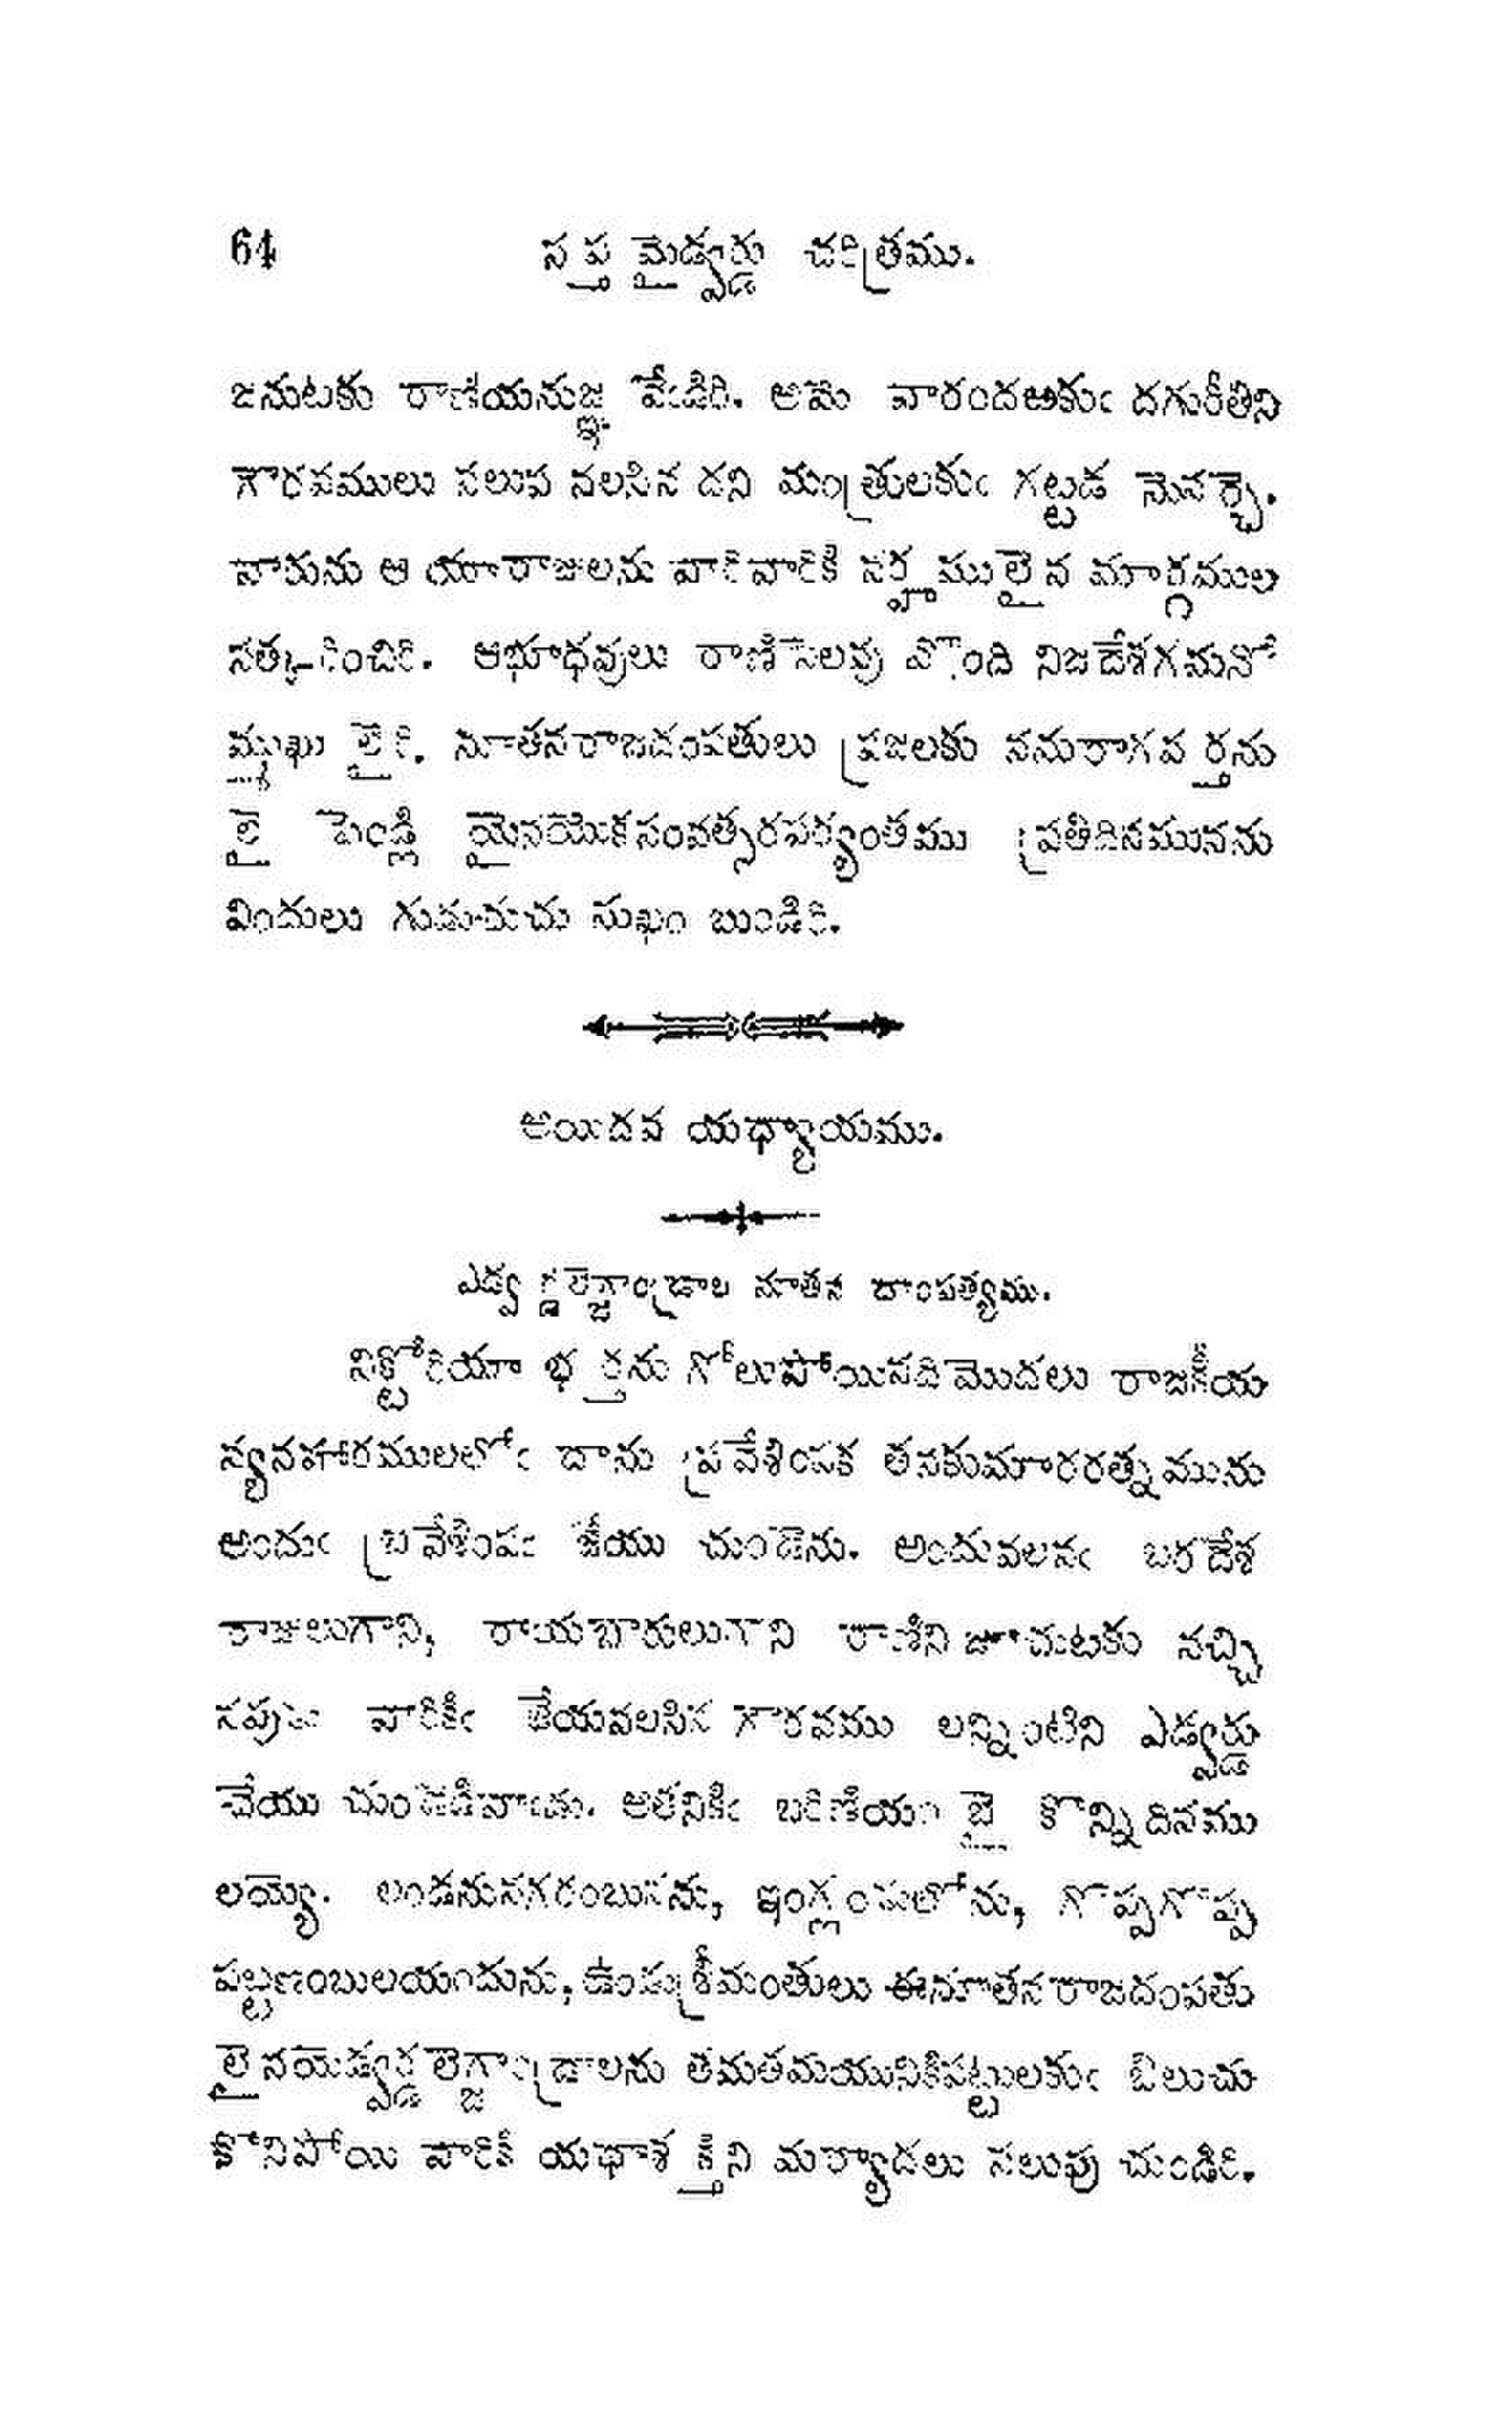.
జనుటకు రాణియనుజ్ఞ "వేడిరి. ఆమే వారందజకుఁ దగురీతిని గౌరవములు సలుప వలసిన దని మంత్రులకుఁ గట్టడ మెన ర్చె. వారును ఆ యా రాజులను వారి వారికి నర్హతములైన మార్గములు
సత్కరించి, అభూధవులు రాణి సెలవు వొంది. నిజ దేశగమనో ముఖ లై. నూతన రాజదంపతులు ప్రజలకు నను రాగపర్తనులై పెండ్లి యైసయొక సంవత్సర పర్యంతము ప్రతిదినమునను
విందులు గుడుచుచు సుఖం బుడిరి,

అయిదవ యధ్యాయము.

విక్టోరియా భర్తను గోలుపోయినది మొదలు రాజకీయ వ్యవహారములలో, దాను ప్రవేశించక తనకుమారరత్నమును అందుఁ బ్రవేశంష జేయు చుండెను. అందువలన బర దేశ
రాజుగాని, రాయబారులు గాని రాణి జూచుటకు వచ్చిసపుడు వారికీ చేయవలసిన గౌరవము లన్నింటిని ఎడ్వర్డుచేయు చుండెడివాడు. అతనికి బరిణియం బై కొన్ని దినములయ్యె. లండను నగరంబును, ఇంగ్లండు లోను, గొప్పగొప్పు పట్టణంబుల యందును, ఉండు శ్రీమంతులు ఈ నూతన రాజదంపతు లైనయెడ్వెర్డలెగ్జాండ్లను తమతమ యునికి పట్టులకుఁ బిలుచు
కొనిపోయి వారికి యధాశక్తిని మర్యాదలు సలుపు చుండిరి.